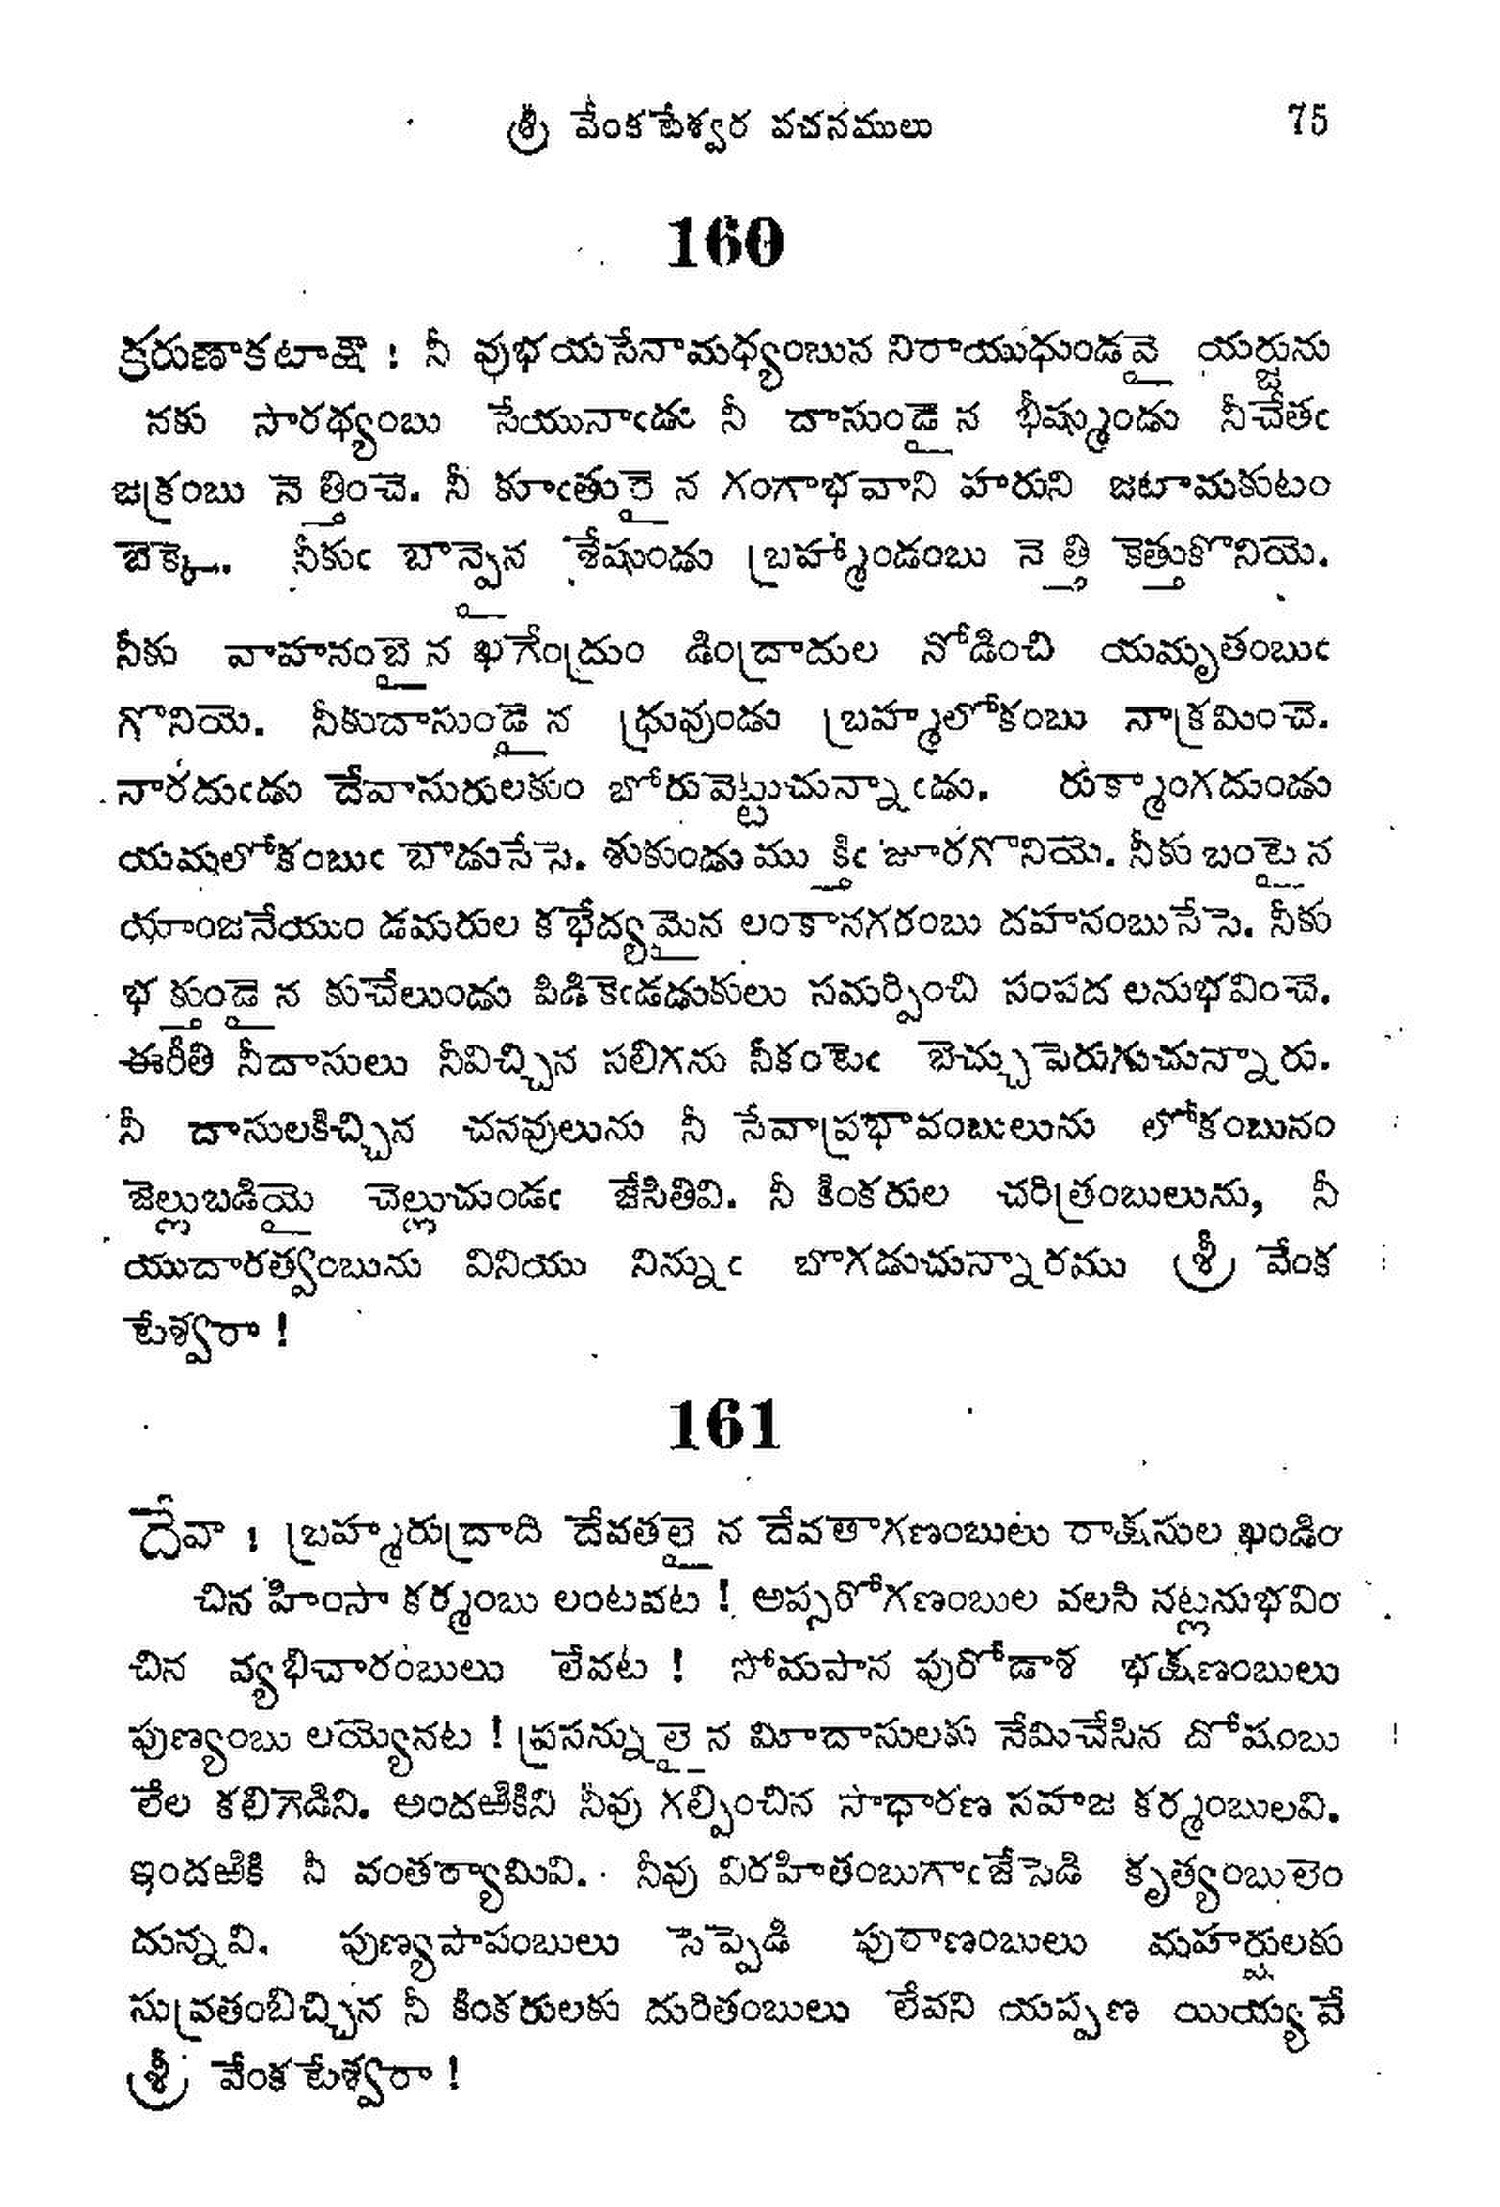160 

 : నీ వుభయ సేనామధ్యంబున నిరాయుధుండవై యర్జునునకు సారథ్యంబు సేయునాఁడు నీ దాసుండైన భీష్ముండు నీచేతఁ జక్రంబు నెత్తించే. నీ కూతురైన గంగాభవాని హరుని జటామకుటం బెక్కె. నీకుఁ బానైన శేషుండు బ్రహ్మాండంబు నెత్తి కెత్తుకొనియె. నీకు వాహనంబై న ఖగేంద్రుం డింద్రాదుల నోడించి యమృతంబుఁ గొనియె. నీకుదాసుండై న ధ్రువుండు బ్రహ్మలోకంబు నాక్రమించె. నారదుఁడు దేవాసురులకుం బోరు వెట్టుచున్నాఁడు. రుక్మాంగదుండు యమలోకంబుఁ బాడుసే సె. శుకుండుముక్తిఁ 'జూరగొనియె. నీకు బంటైన యాంజనేయుం డమరుల క భేద్యమైన లంకానగరంబు దహనంబు సే సె. నీకు భక్తుండైన కుచేలుండు పిడి కెఁడడుకులు సమర్పించి సంపద లనుభవించే. ఈరీతి నీదాసులు నీవిచ్చిన సలిగను నీకంటెఁ బెచ్చు పెరుగుచున్నారు. 'నీ దాసులకిచ్చిన చనవులును నీ సేవాప్రభావంబులును లోకంబునం జెల్లుబడియై చెల్లుచుండఁ జేసితివి. నీ కింకరుల చరిత్రంబులును, నీ 'యుదారత్వంబును వినియు నిన్నుఁ బొగడుచున్నారము శ్రీ వేంక టేశ్వరా !

161 

 ! బ్రహ్మరుద్రాది దేవతలైన దేవతాగణంబులు రాక్షసుల ఖండించిన హింసా ధర్మంబు లంటవట ! అప్సరోగణంబుల వలసి నట్లనుభవించిన వ్యభిచారంబులు లేవట ! సోమపాన పురోడాశ భక్షణంబులు పుణ్యంబు లయ్యెనట ! ప్రసన్ను లైన మీదాసులకు నేమిచేసిన దోషంబు లేల కలిగెడిని. అందఱికిని నీవు గల్పించిన సాధారణ సహజ కర్మంబులవి. ఇందఱికి నీ వంతర్యామివి. నీవు విరహితంబుగాఁ జేసెడి కృత్యంబు లెం దున్నవి. పుణ్య పాపంబులు సెప్పెడి పురాణంబులు మహర్షులకు సువ్రతంబిచ్చిన నీ కింకరులకు దురితంబులు లేవని యప్పణ యియ్యవే శ్రీ వేంక టేశ్వరా !